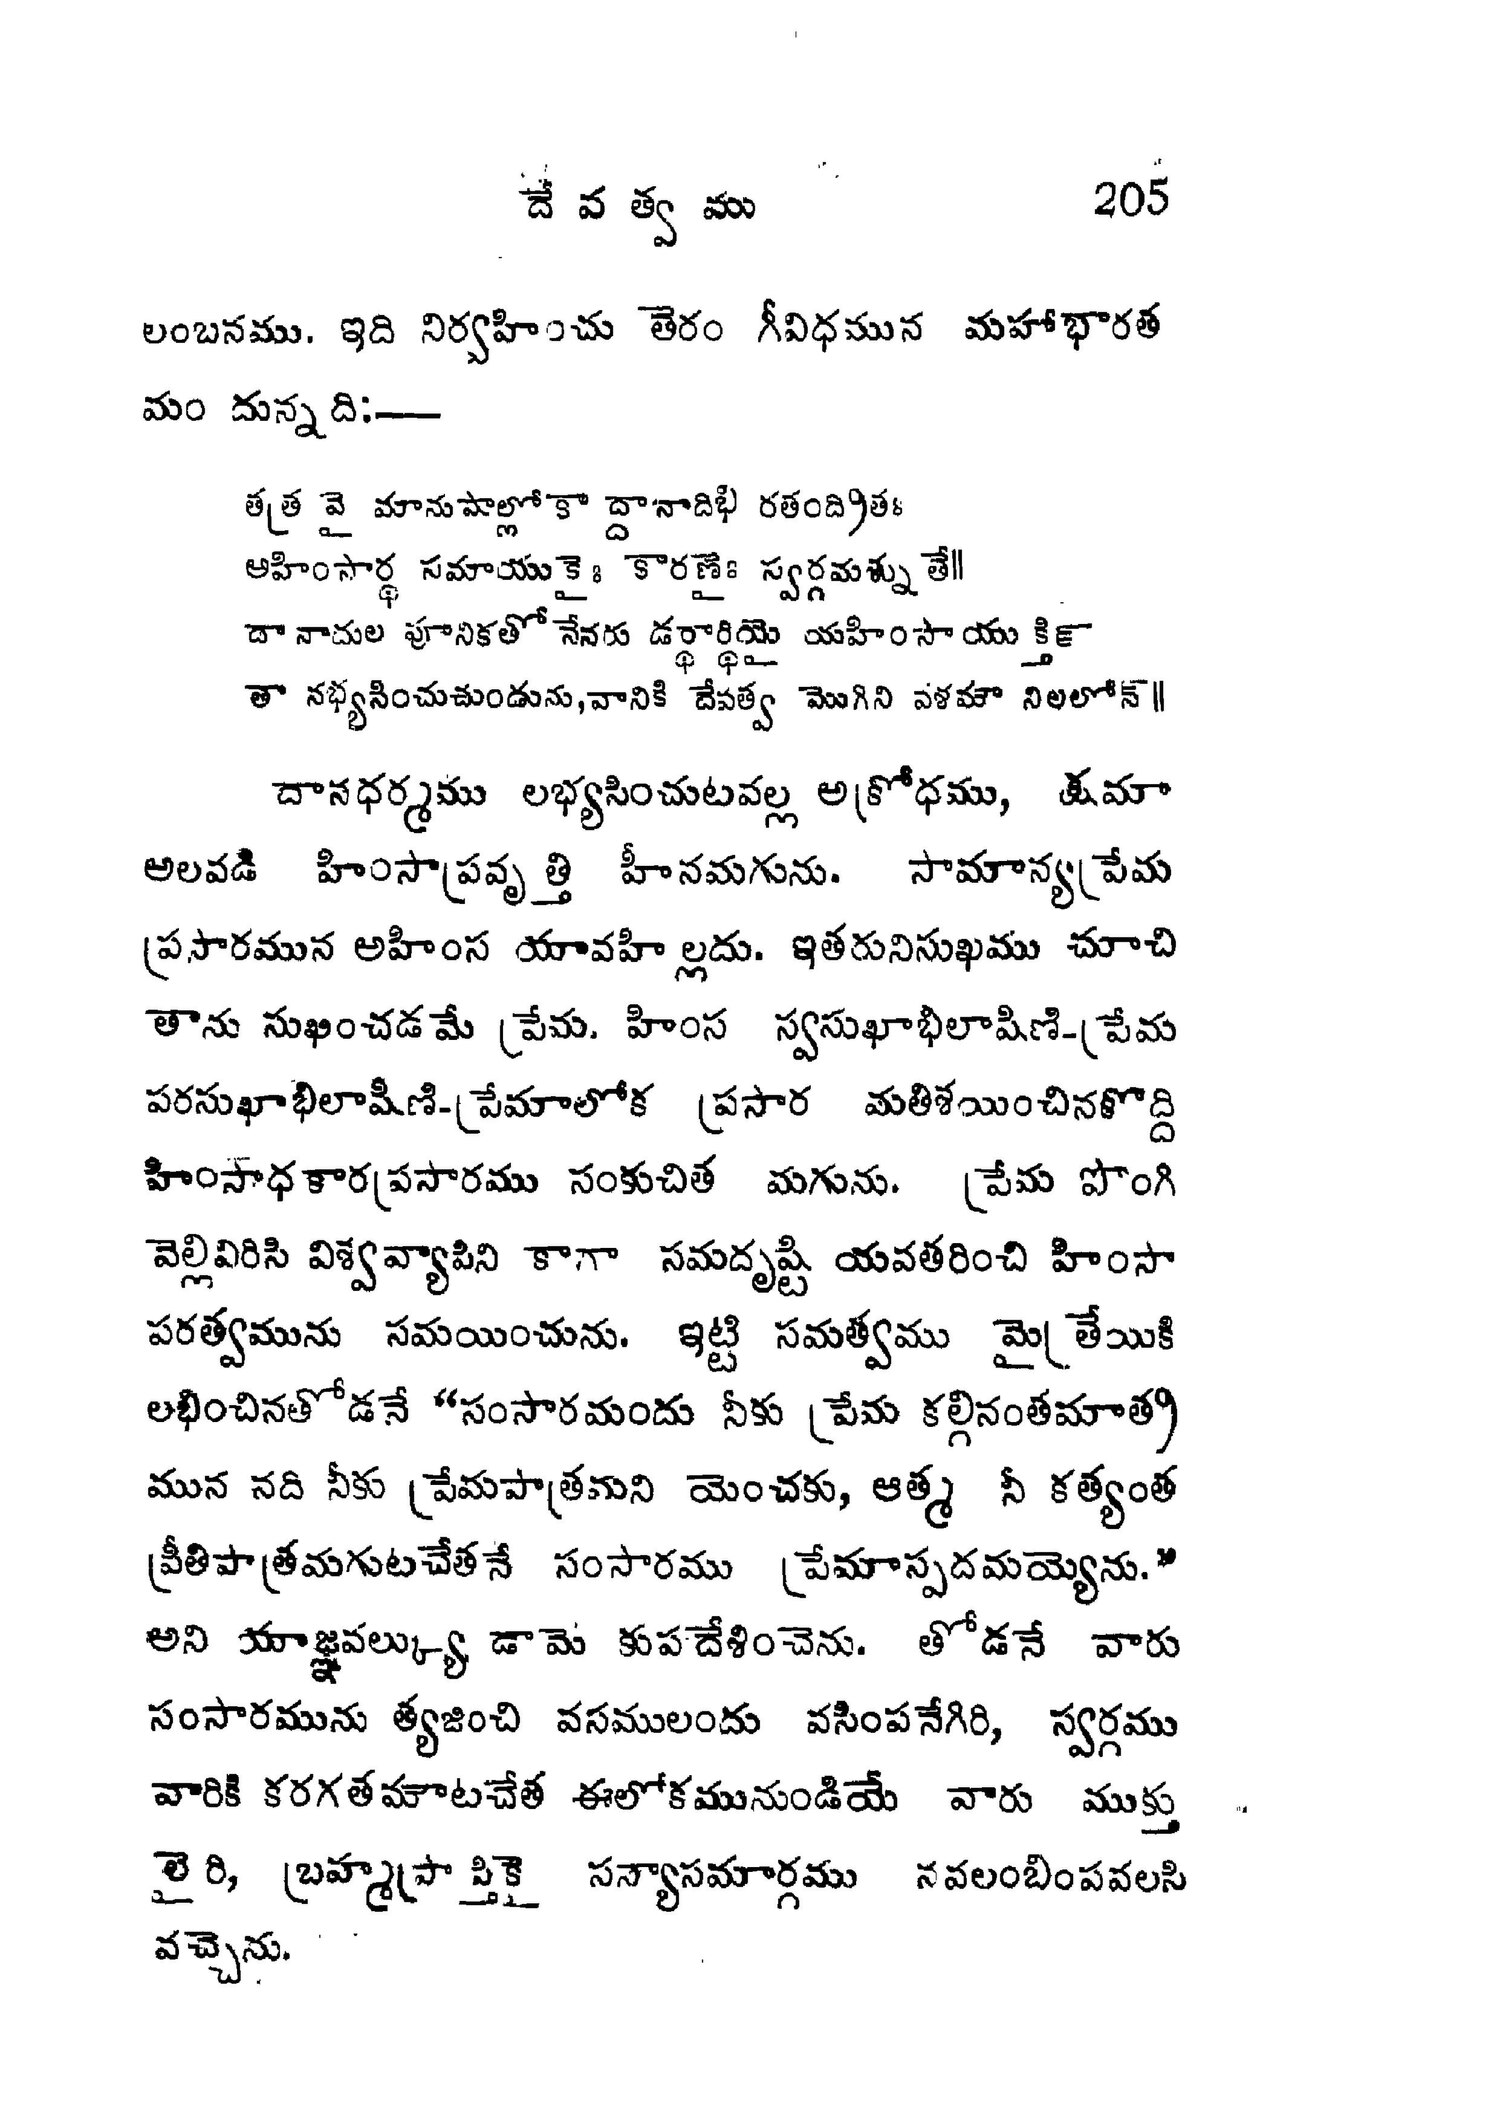లంబనము. ఇది నిర్వహించు తెరం గీవిధమున మహాభారత మం దున్నది : _

 తత్ర వై మానుషాల్లోకా ద్దానాదిభి రతంద్రిత:
 అహింసార్థ సమాయుకై: కారణై: స్వర్గమశ్నుతే||
 దా నాదుల పూనికతో నేనరు డర్థార్థియై యహింసా యుక్తిన్
 తా నభ్యసించుచుండును, వానికి దేవత్వ మొగిని వశమౌ నిలలోన్||

దానధర్మము లభ్యసించుటవల్ల అక్రోధము, క్షమా అలవడి హింసాప్రవృత్తి హీనమగును. సామాన్యప్రేమ ప్రసారమున అహింస యావహిల్లదు. ఇతరునిసుఖము చూచి తాను సుఖించడమే ప్రేమ. హింస స్వసుఖాభిలాషిణి - ప్రేమ పరసుఖాభిలాషిణి - ప్రేమలోక ప్రసార మతిశయించినకొద్ది హింసాధకారప్రసారము సంకుచిత మగును. ప్రేమ పొంగి వెల్లివిరిసి విశ్వవ్యాపిని కాగా సమదృష్టి యవతరించి హింసా పరత్వమును సమయించును. ఇట్టి సమత్వము మైత్రేయికి లభించినతోడనే "సంసారమందు నీకు ప్రేమ కల్గినంతమాత్రమున నది నీకు ప్రేమపాత్రమని యెంచకు, ఆత్మ నీ కత్యంత ప్రీతిపాత్రమగుటచేతనే సంసారము ప్రేమాస్పదమయ్యెను." అని యాజ్ఞవల్క్యు డామె కుపదేశించెను. తోడనే వారు సంసారమును త్యజించి వనములందు వసింపనేగిరి, స్వర్గము వారికి కరగతమౌటచేత ఈలోకమునుండియే వారు ముక్తులైరి, బ్రహ్మప్రాప్తికై సన్యాసమార్గము నవలంబింపవలసి వచ్చెను.